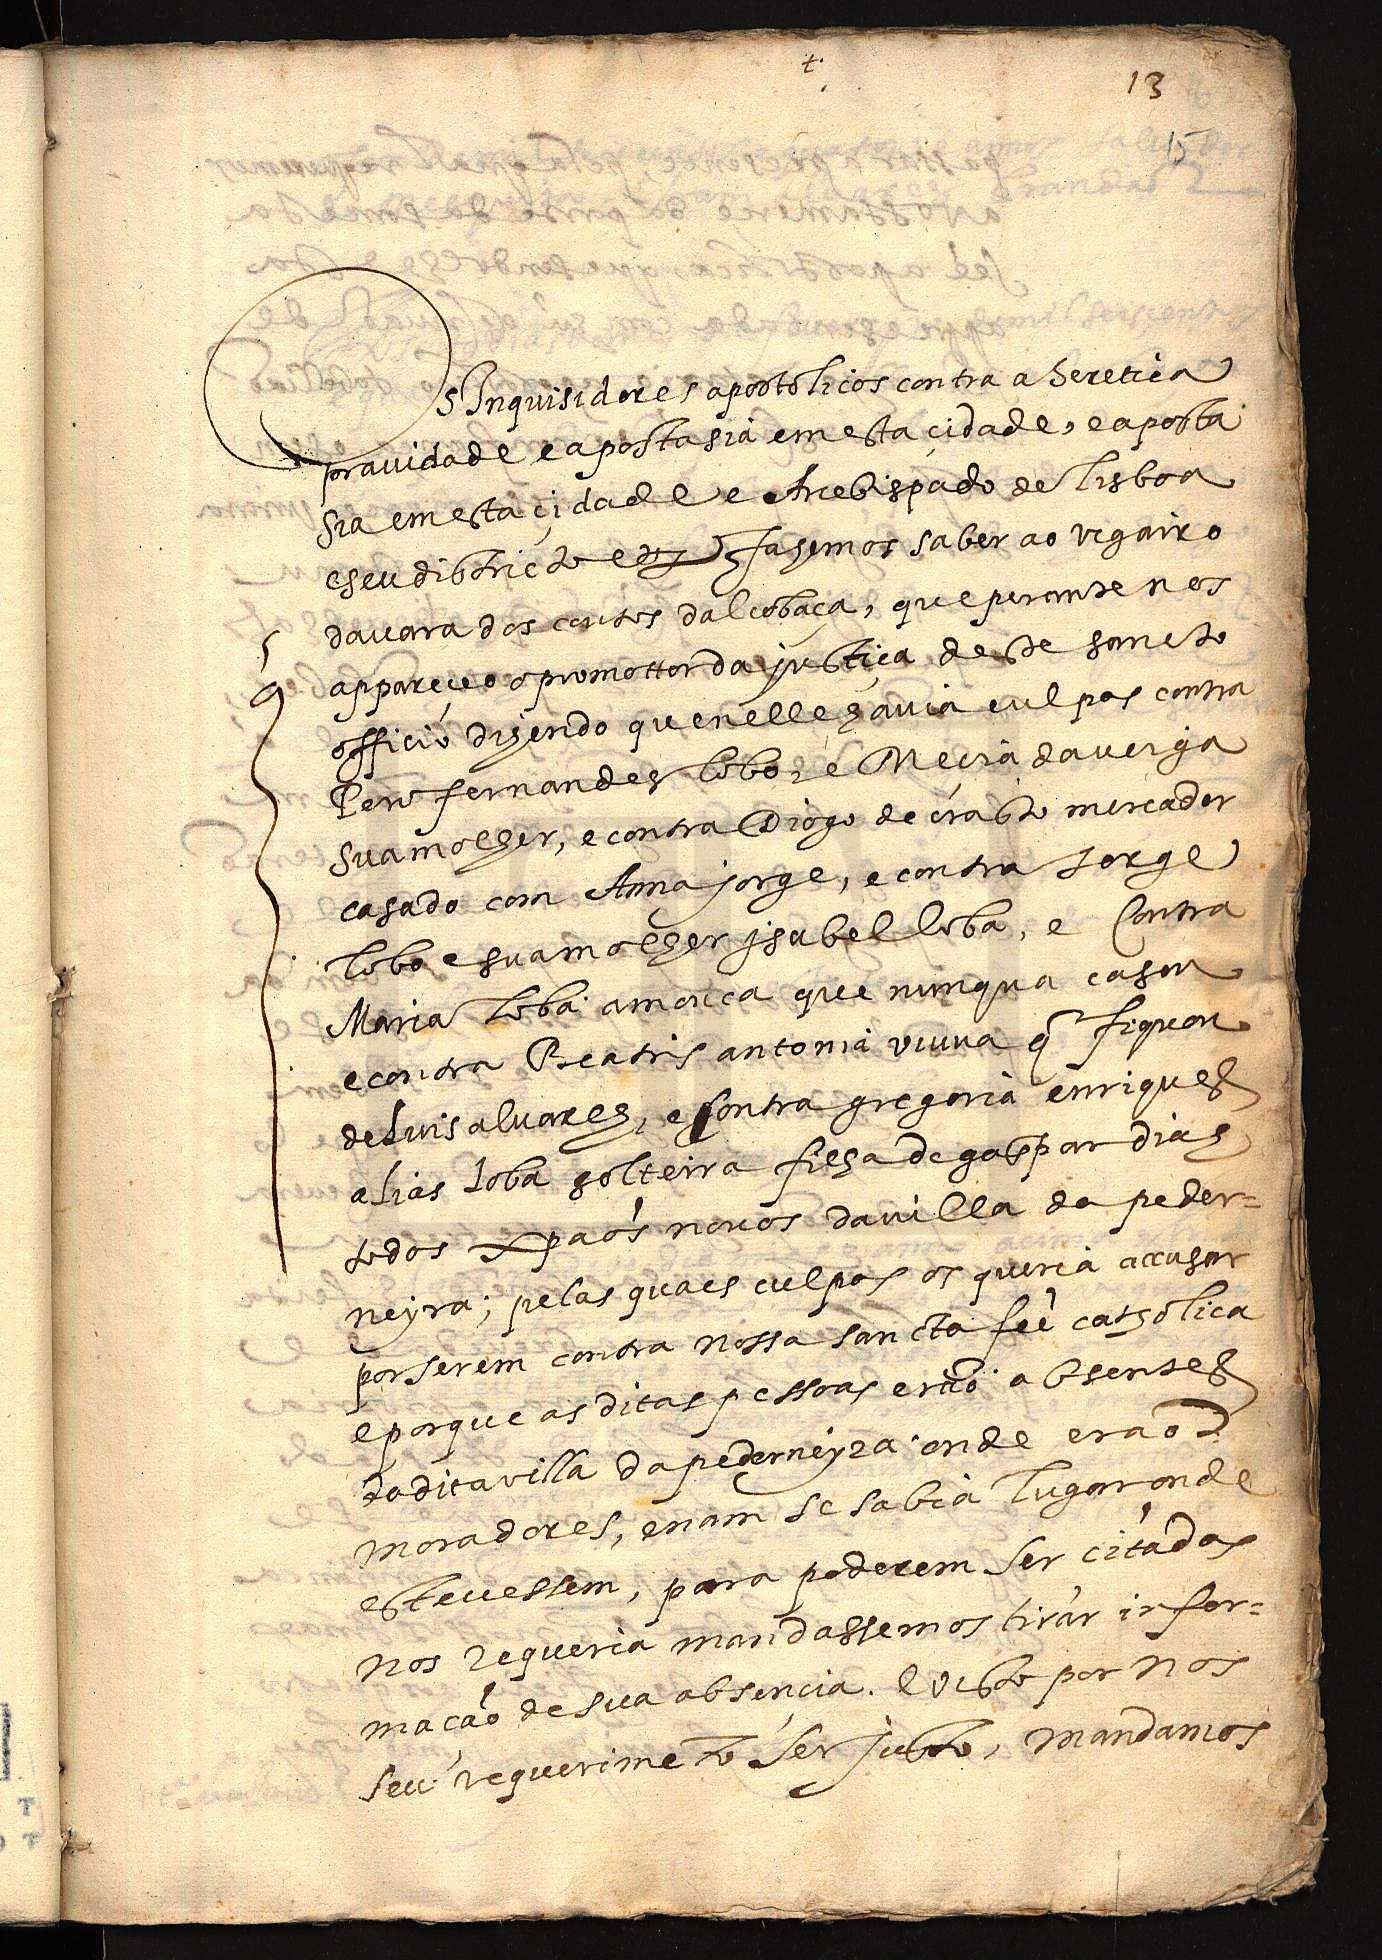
Os Inquisidores apostolicos contra a heretica
prauidade e apostasia em esta çidade, e aposta
sia em esta çidade e Arcebispado de Lisboa
e seu districto etc̄ꝭ Fazemos saber ao vigairo
da uara dos coutos dalcobaça, que perante nos
appareçeo o promottor da justiça deste sancto
officio dizendo que nelle hauia culpas contra
Pero fernandes lobo, e Meçia da ueiga
sua molher, e contra Diogo de crasto mercador
casado com Anna jorge, e contra Jorge
lobo e sua molher Jsabel loba, e Contra
Maria Loba a mouca que nunqua casou
e contra Beatris antonia viuua q̄ fiquou
de Luis aluares, e Contra gregoria enriques
alias Loba solteira filha de gaspar dias
todos xpaos̄ nouos da uilla da peder
neyra; pelas quaes culpas os queria accusar
por serem contra nossa sancta feé catholica
e porque as ditas pessoas eraõ absentes
da dita villa da pederneyra onde eraõ
moradores, e nam se sabia Lugar onde
esteuessem, para poderem ser citadas
nos Requeria mandassemos tirar infor
maçaõ de sua absençia. e visto por nos
seu requerimēto ser Justo, mandamos
